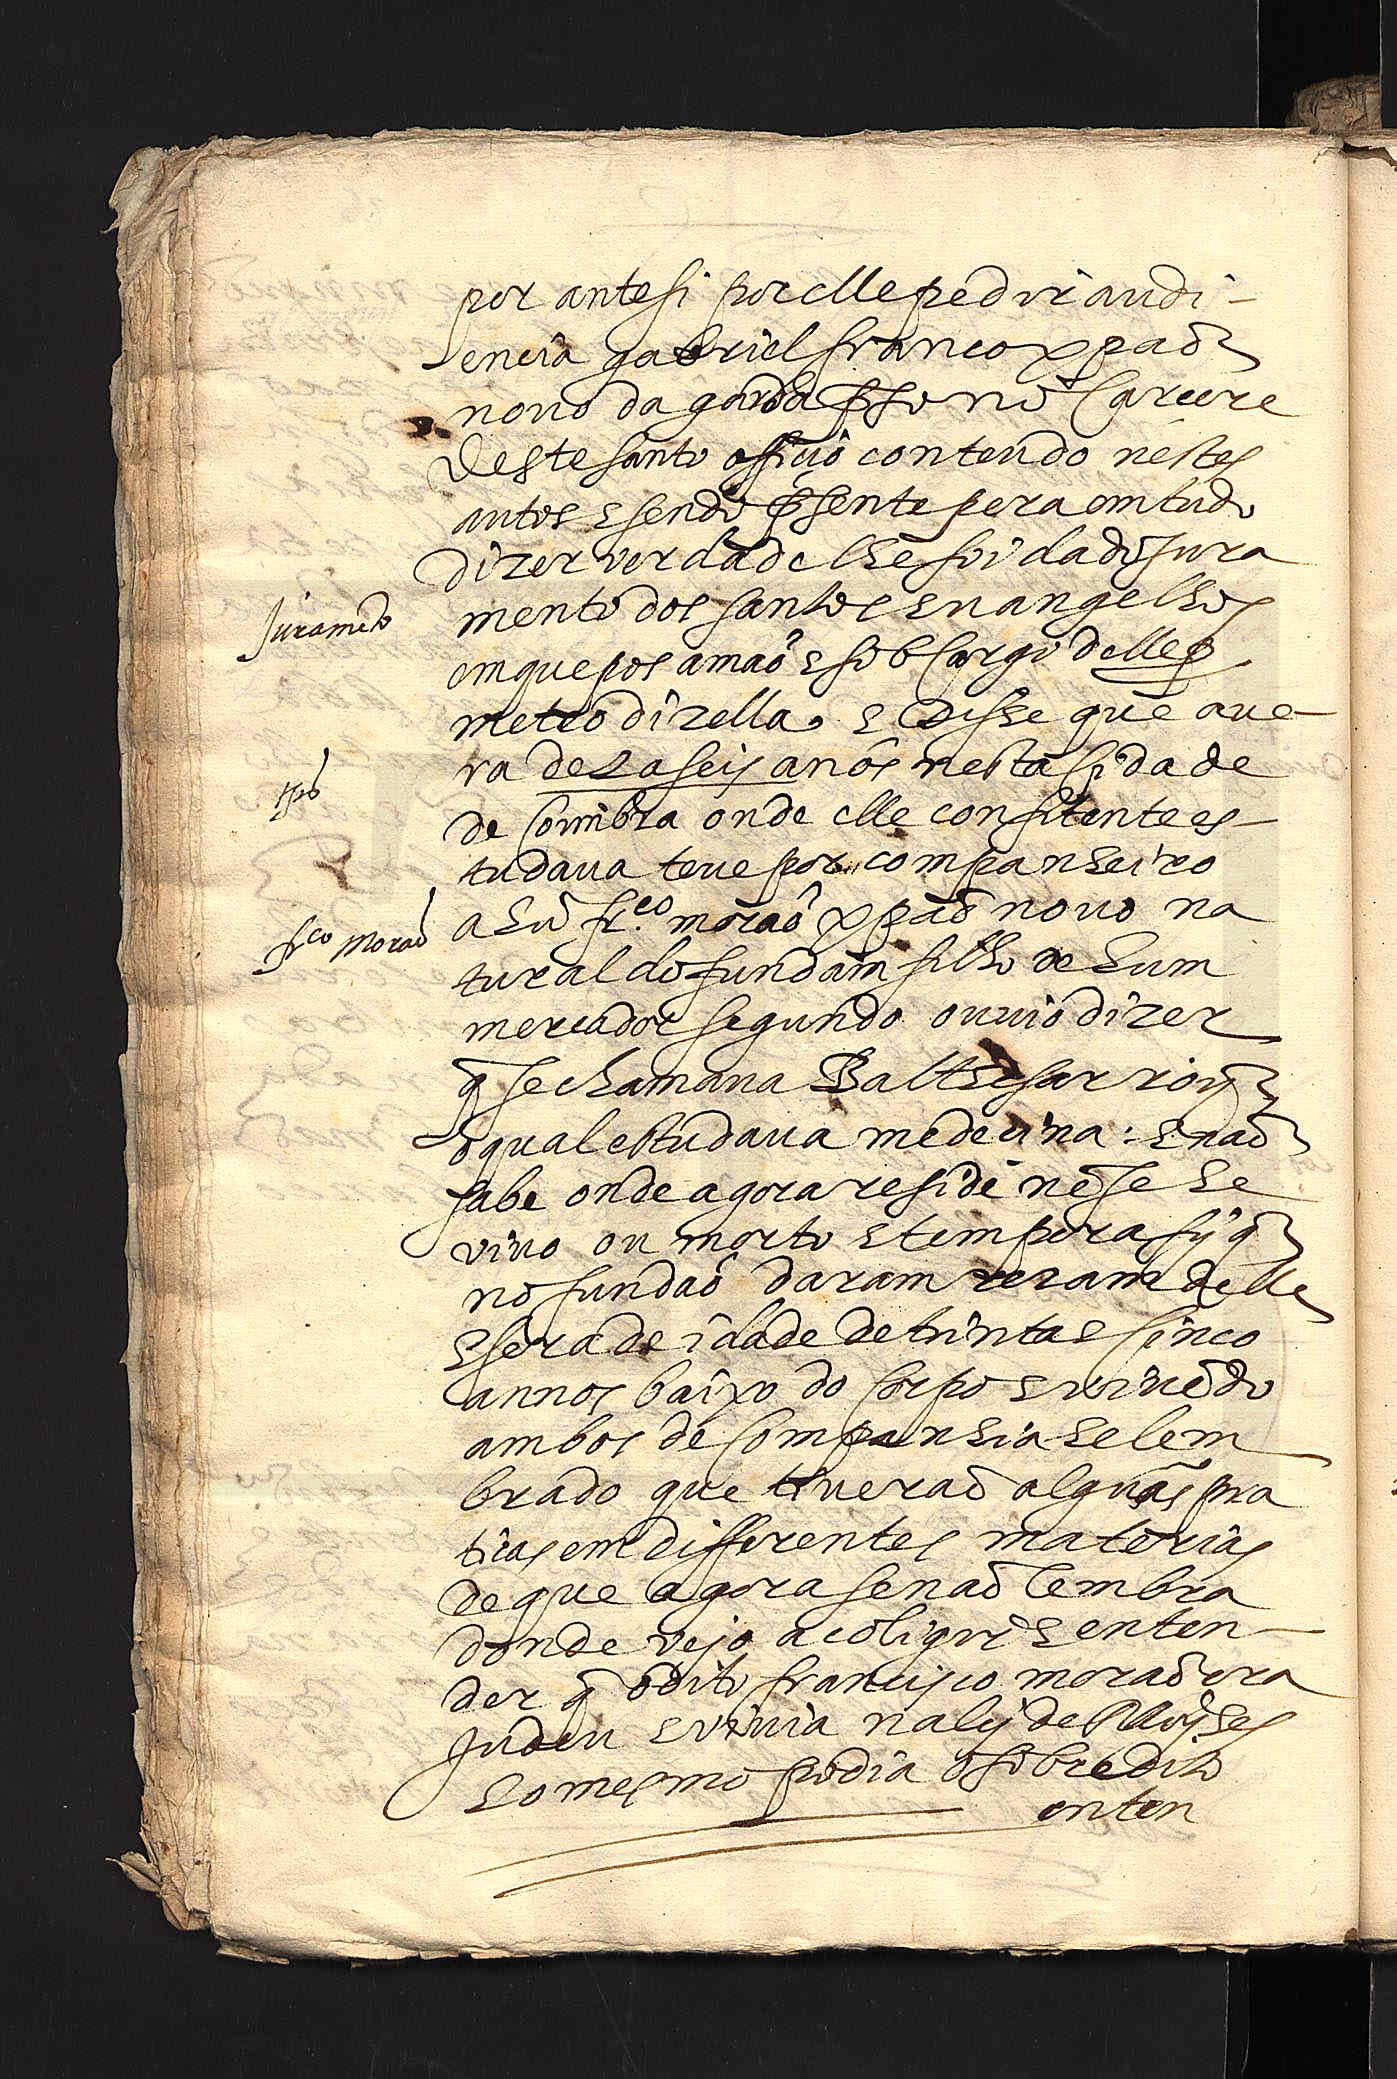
perante si por elle pedir audi
encia gabriel franco xpaõ
nouo da garda p̄so no Carçere
deste santo offiçio conteudo nestes
autos E sendo p̄sente pera em tudo
dizer verdade lhe foi dado Jura
mento dos santos Euangelhos
em que pos a maõ E sob Cargo delle ꝓ
meteo dizella E Disse que aue
ra dezaseis anōs nesta Cidade
de Coimbra onde elle confitente es
tudaua teue por companheiro
a hū fr.co moraõ xpaõ nouo na
tural do fundam filho de hum
mercador segundo ouuio dizer
q̄ se chamaua Balthesar roiz̄
o qual estudaua medecina: E naõ
sabe onde agora reside nē se he
viuo ou morto E tem pera sy q̄
no fundaõ daram rezam delle
E sera de idade de trinta e Cinco
annos baixo do Corpo E viuēdo
ambos de Companhia he lem
brado que tiueraõ alguās pra
ticas em differentes materias
de que agora se naõ lembra
donde vejo a coligir E enten
der q̄ o dito francisco moraõ era
Judeu E viuia na lej de Moyses
E o mesmo podia o sobredito
enten
